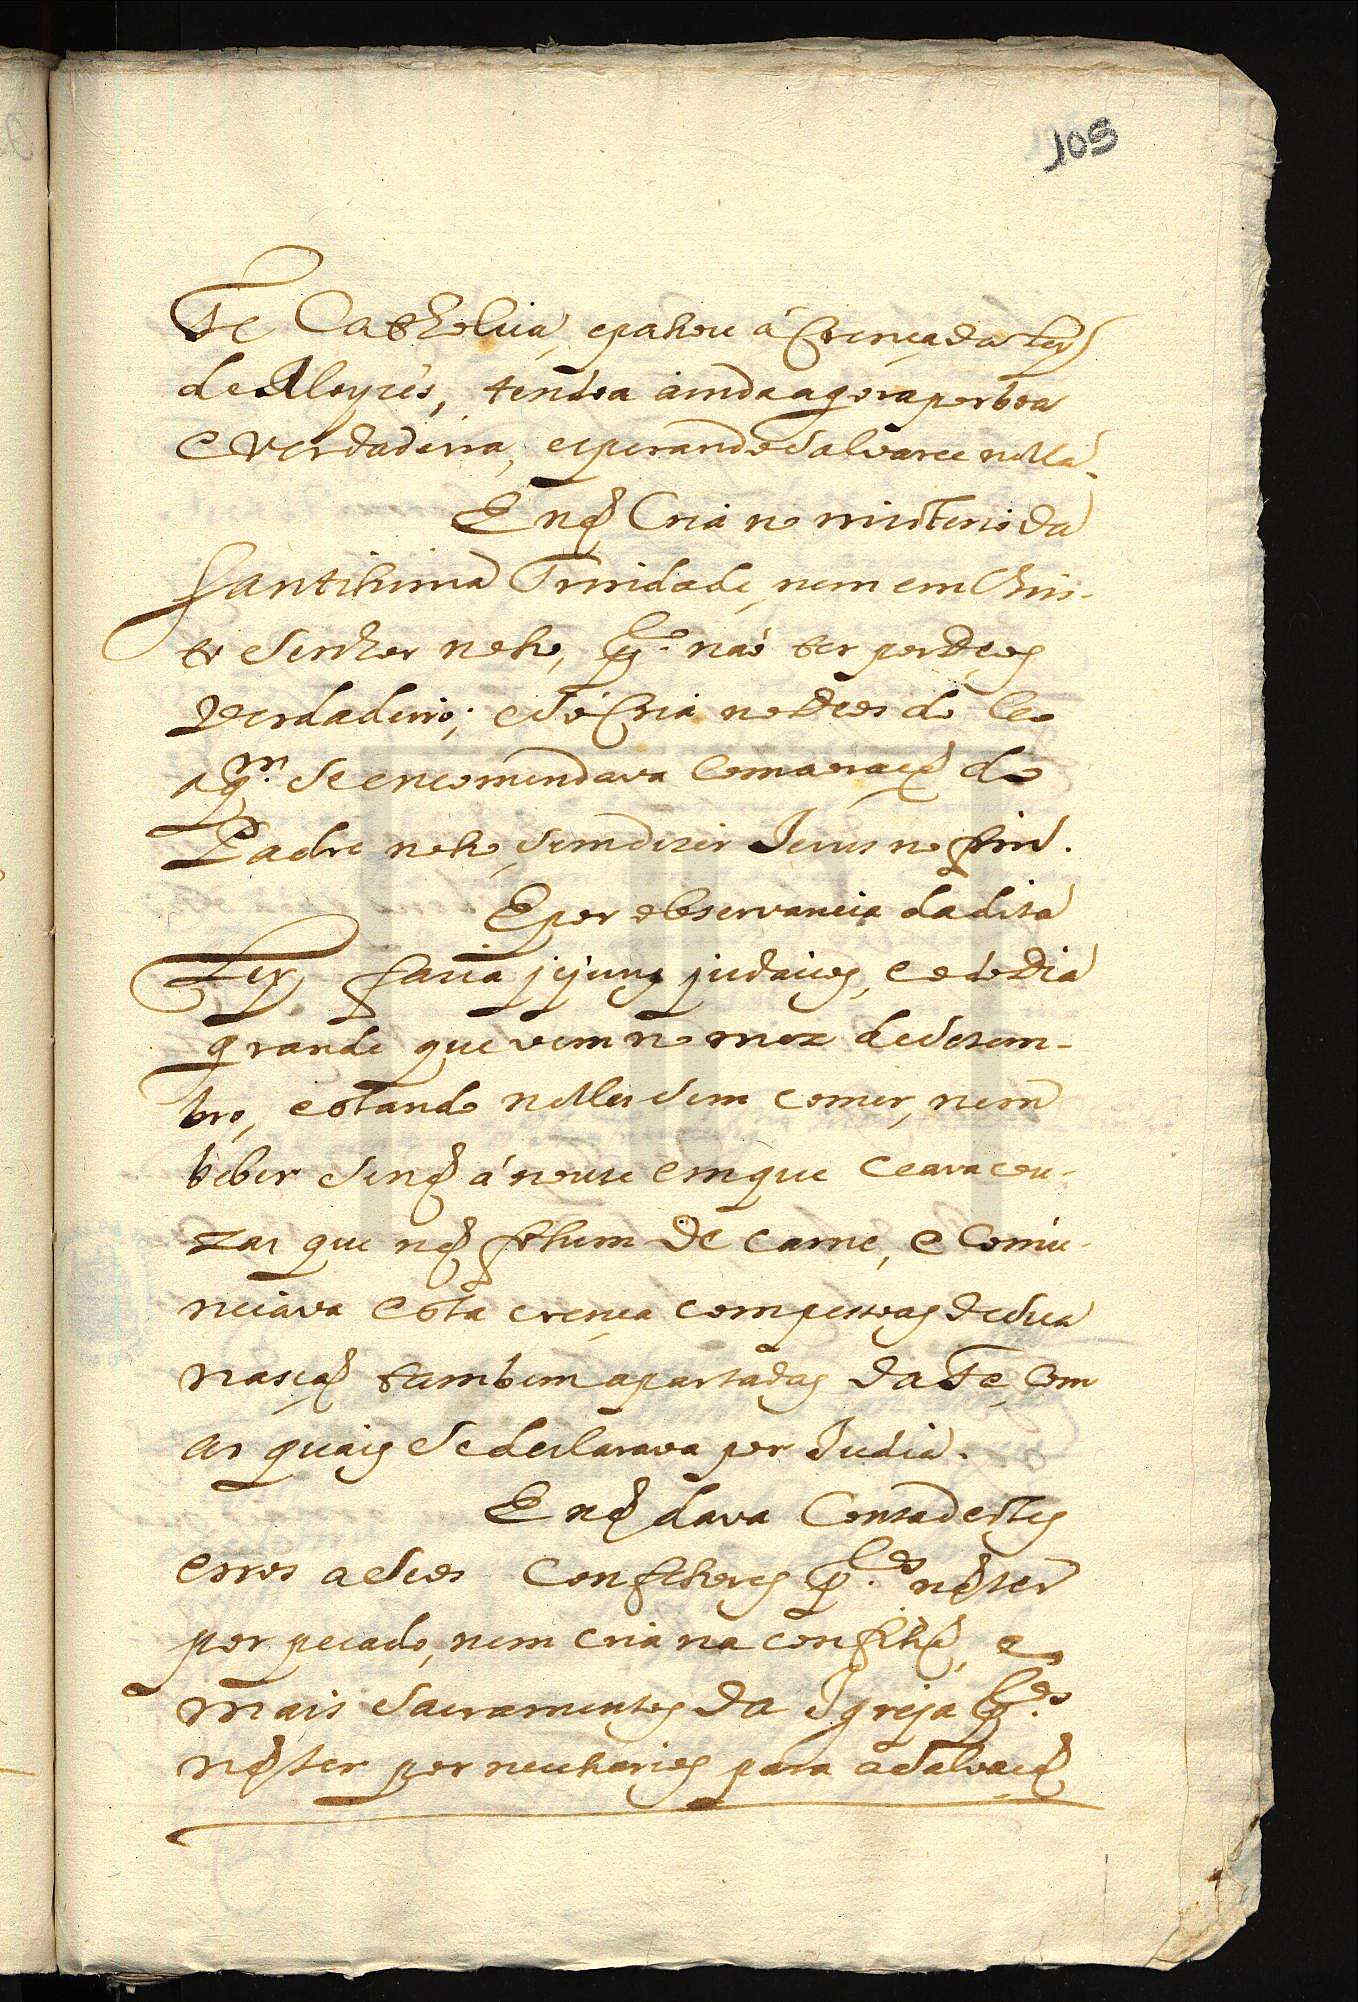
Fe Catholica, e passou á Crença da Ley
de Moyzés, tendoa ainda agora por boa
e verdadeira, esperando salvarce nella.
E naõ Cria no misterio da
Santissima Trindade, nem em Chris
to Senhor nosso, plo. naõ ter por Deos
Verdadeiro; e só Cria no Deos do Ceo
a qm. se encomendava com a oraçaõ do
Padre nosso sem dizer Iesus no fim.
E por observancia da dita
Ley, fazia jejuns judaicos, e o do Dia
grande que vem no mez de setem
bro, estando nelles sem comer, nem
beber senaõ á noute em que ceava cou
zas que naõ fossem de carne, e comu
nicava esta crença com pessoas de sua
nasçaõ tambem apartadas da Fe, com
as quais Se declarava por Iudia.
E naõ dava Conta destes
erros a Seos Confessores p.los naõ ter
por pecado, nem cria na confisaõ, e
mais Sacramentos da Igreja p.los
naõ ter por necessarios para a Salvaçaõ
